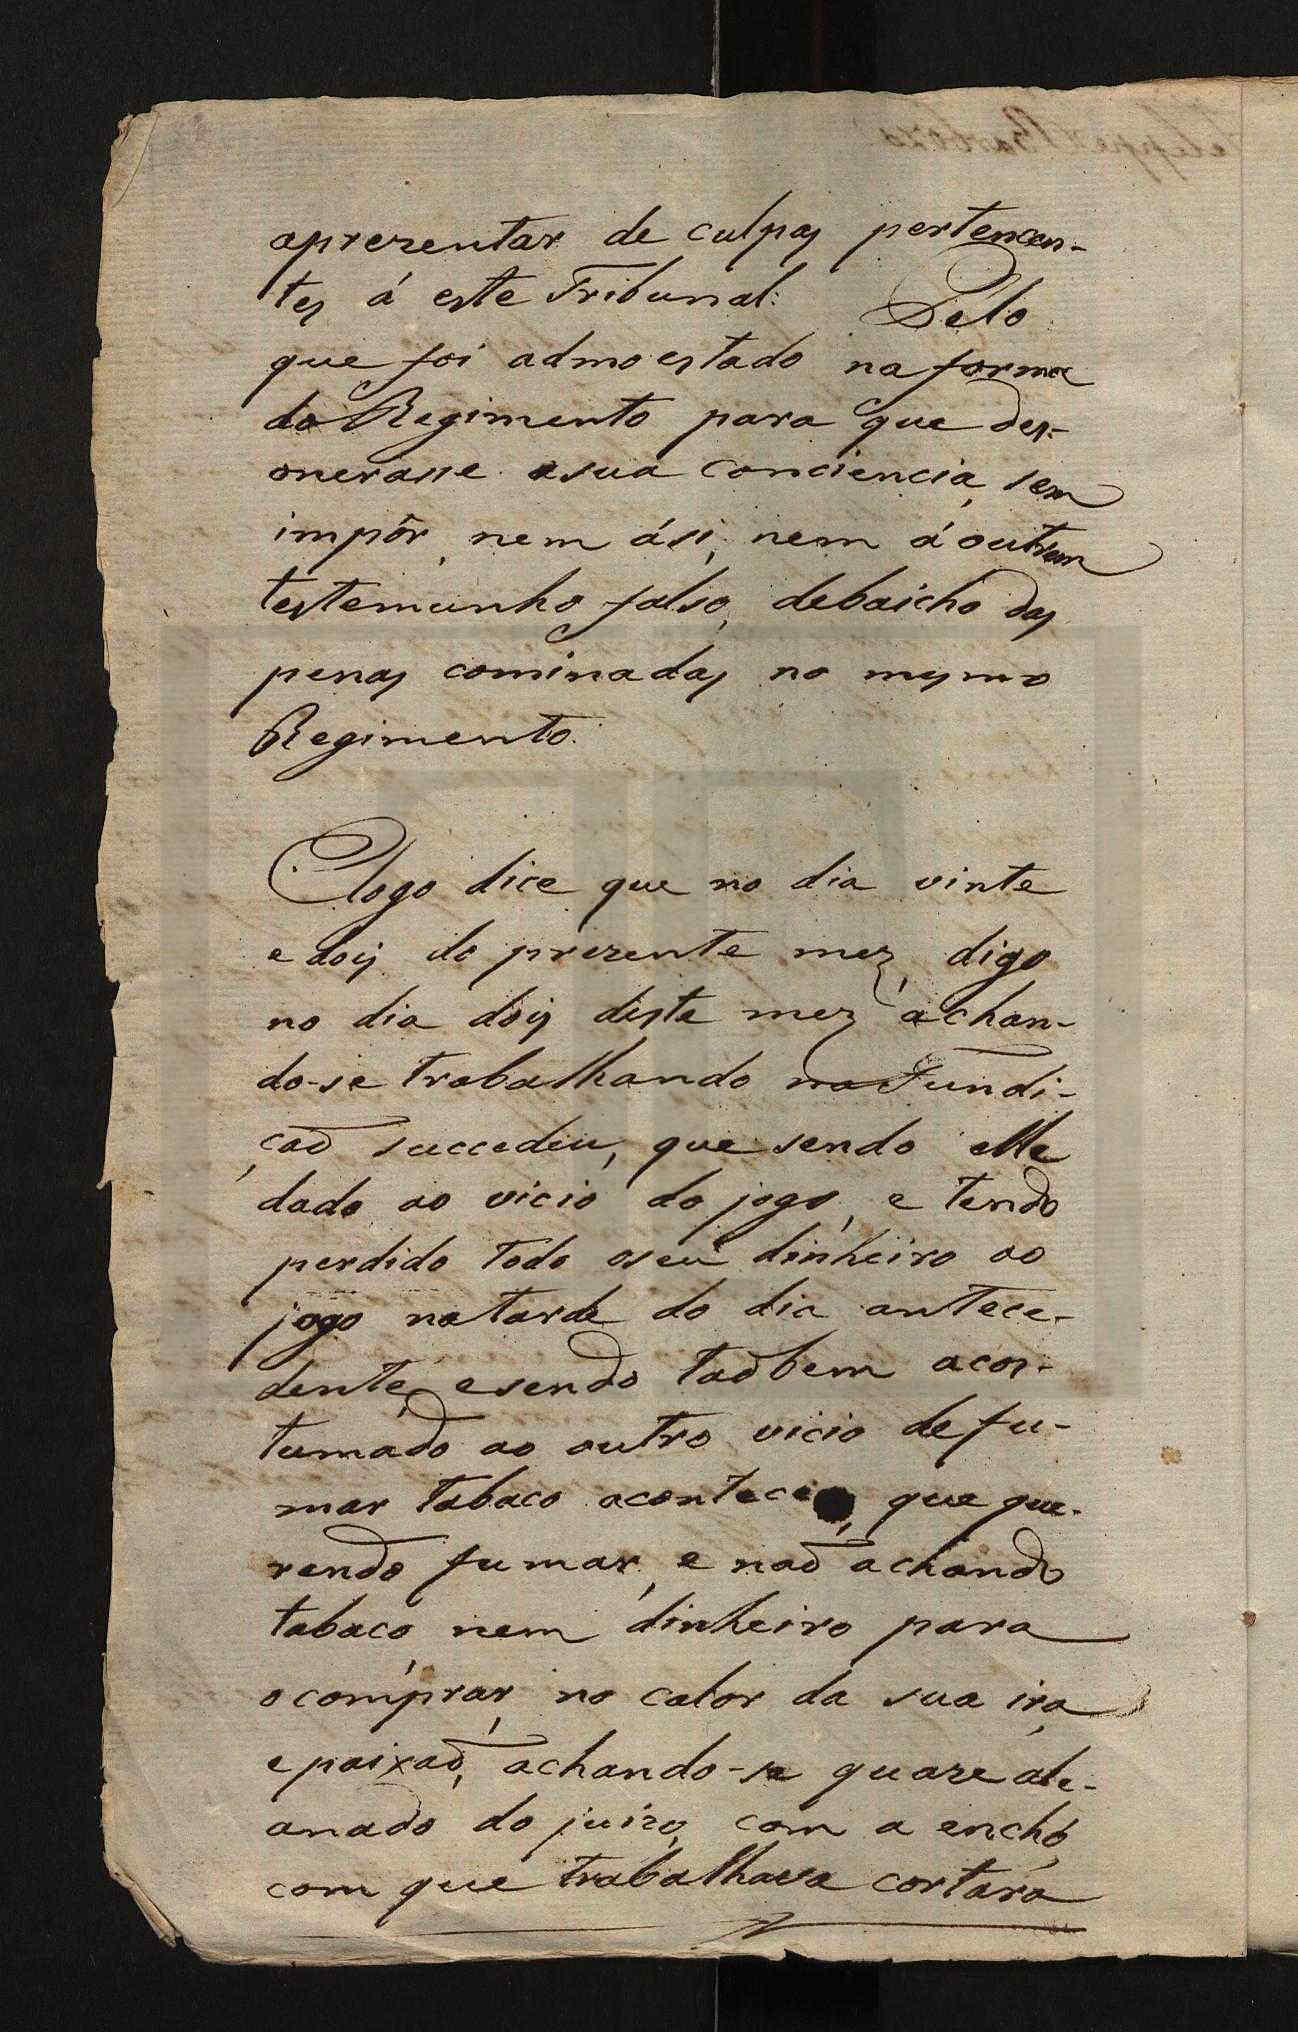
aprezentar de culpas pertencen
tes á este Tribunal: Pelo
que foi admoestado na forma
do Regimento para que des
onerasse a sua conciencia, sem
impôr, nem á si, nem á outrem
testemunho falso, debaicho das
penas cominadas no mesmo
Regimento
E logo dice que no dia vinte
e dois do prezente mez, digo
no dia dois deste mez achan
do-se trabalhando na Fundi
çaõ succedeu, que sendo elle
dado ao vicio do jogo, e tendo
perdido Todo o seu dinheiro ao
jogo na tarde do dia antece
dente, e sendo taõbem acos
tumado ao outro vicio de fu
mar tabaco acontece_, que que
rendo fumar, e naõ achando
tabaco, nem dinheiro para
o comprar, no calor da sua ira,
e paixaõ, achando-se quaze ale
anado do juízo, com a enchó,
com que trabalhava cortara
